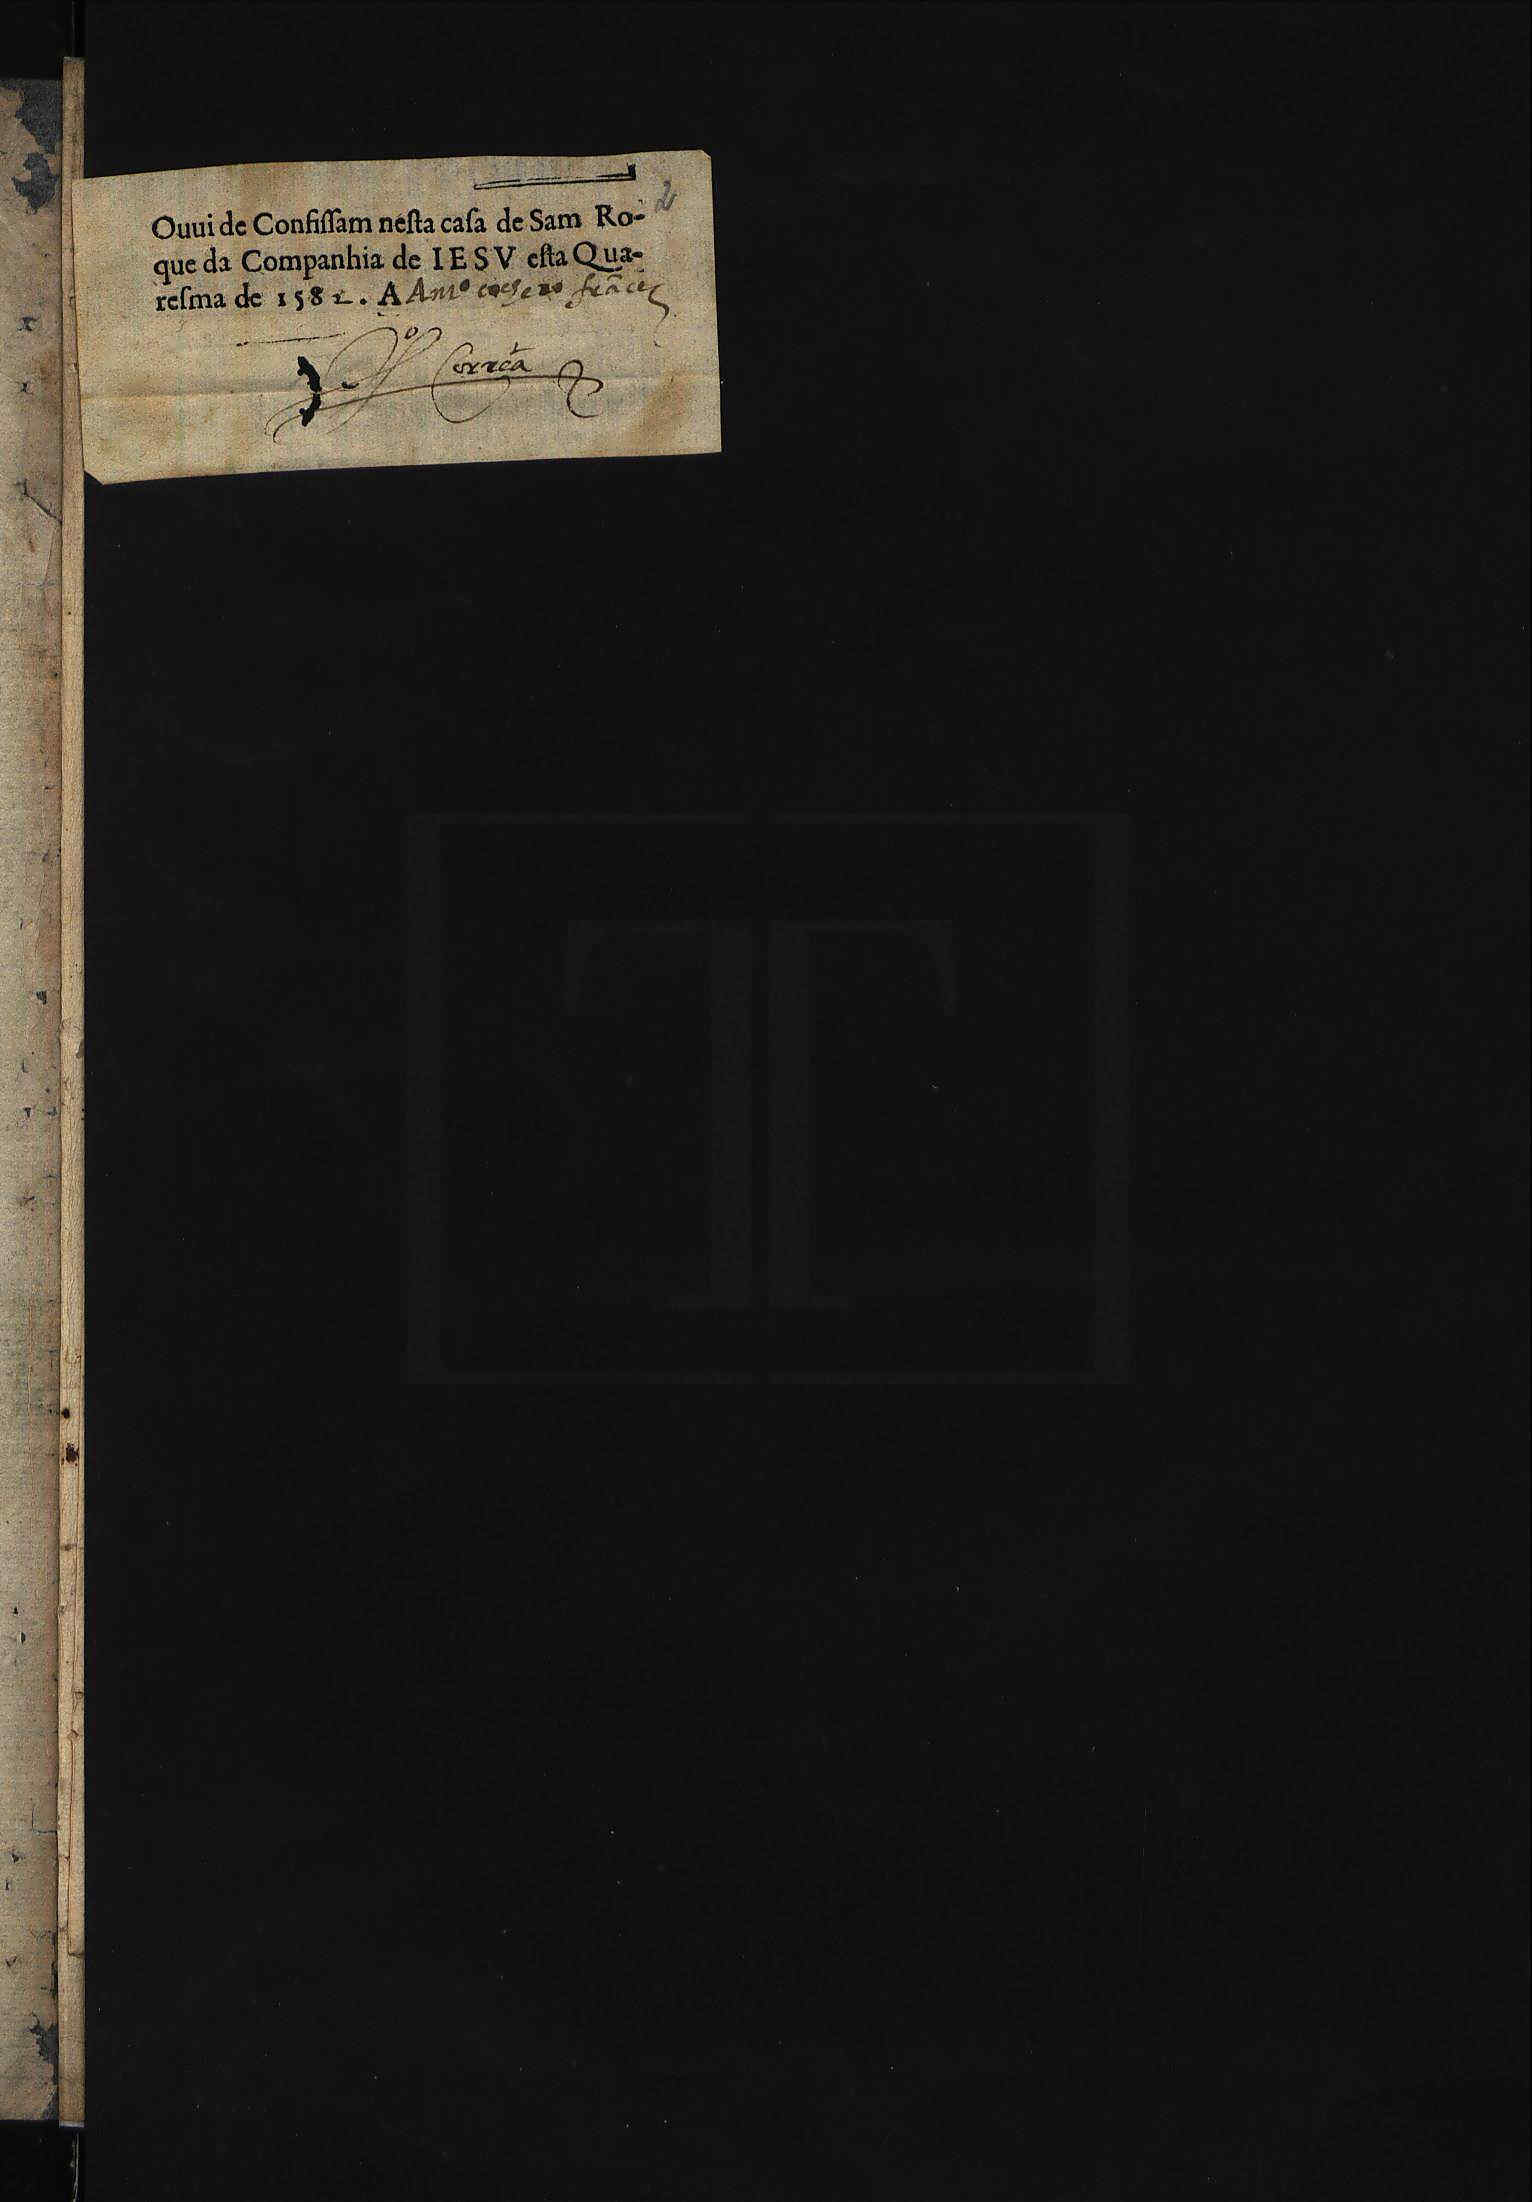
Ouui de Confissam nesta casa de Sam Ro
que da Companhia de IESV esta Qua
resma de 1582. A Anto cochero frācez
Jo Correa
